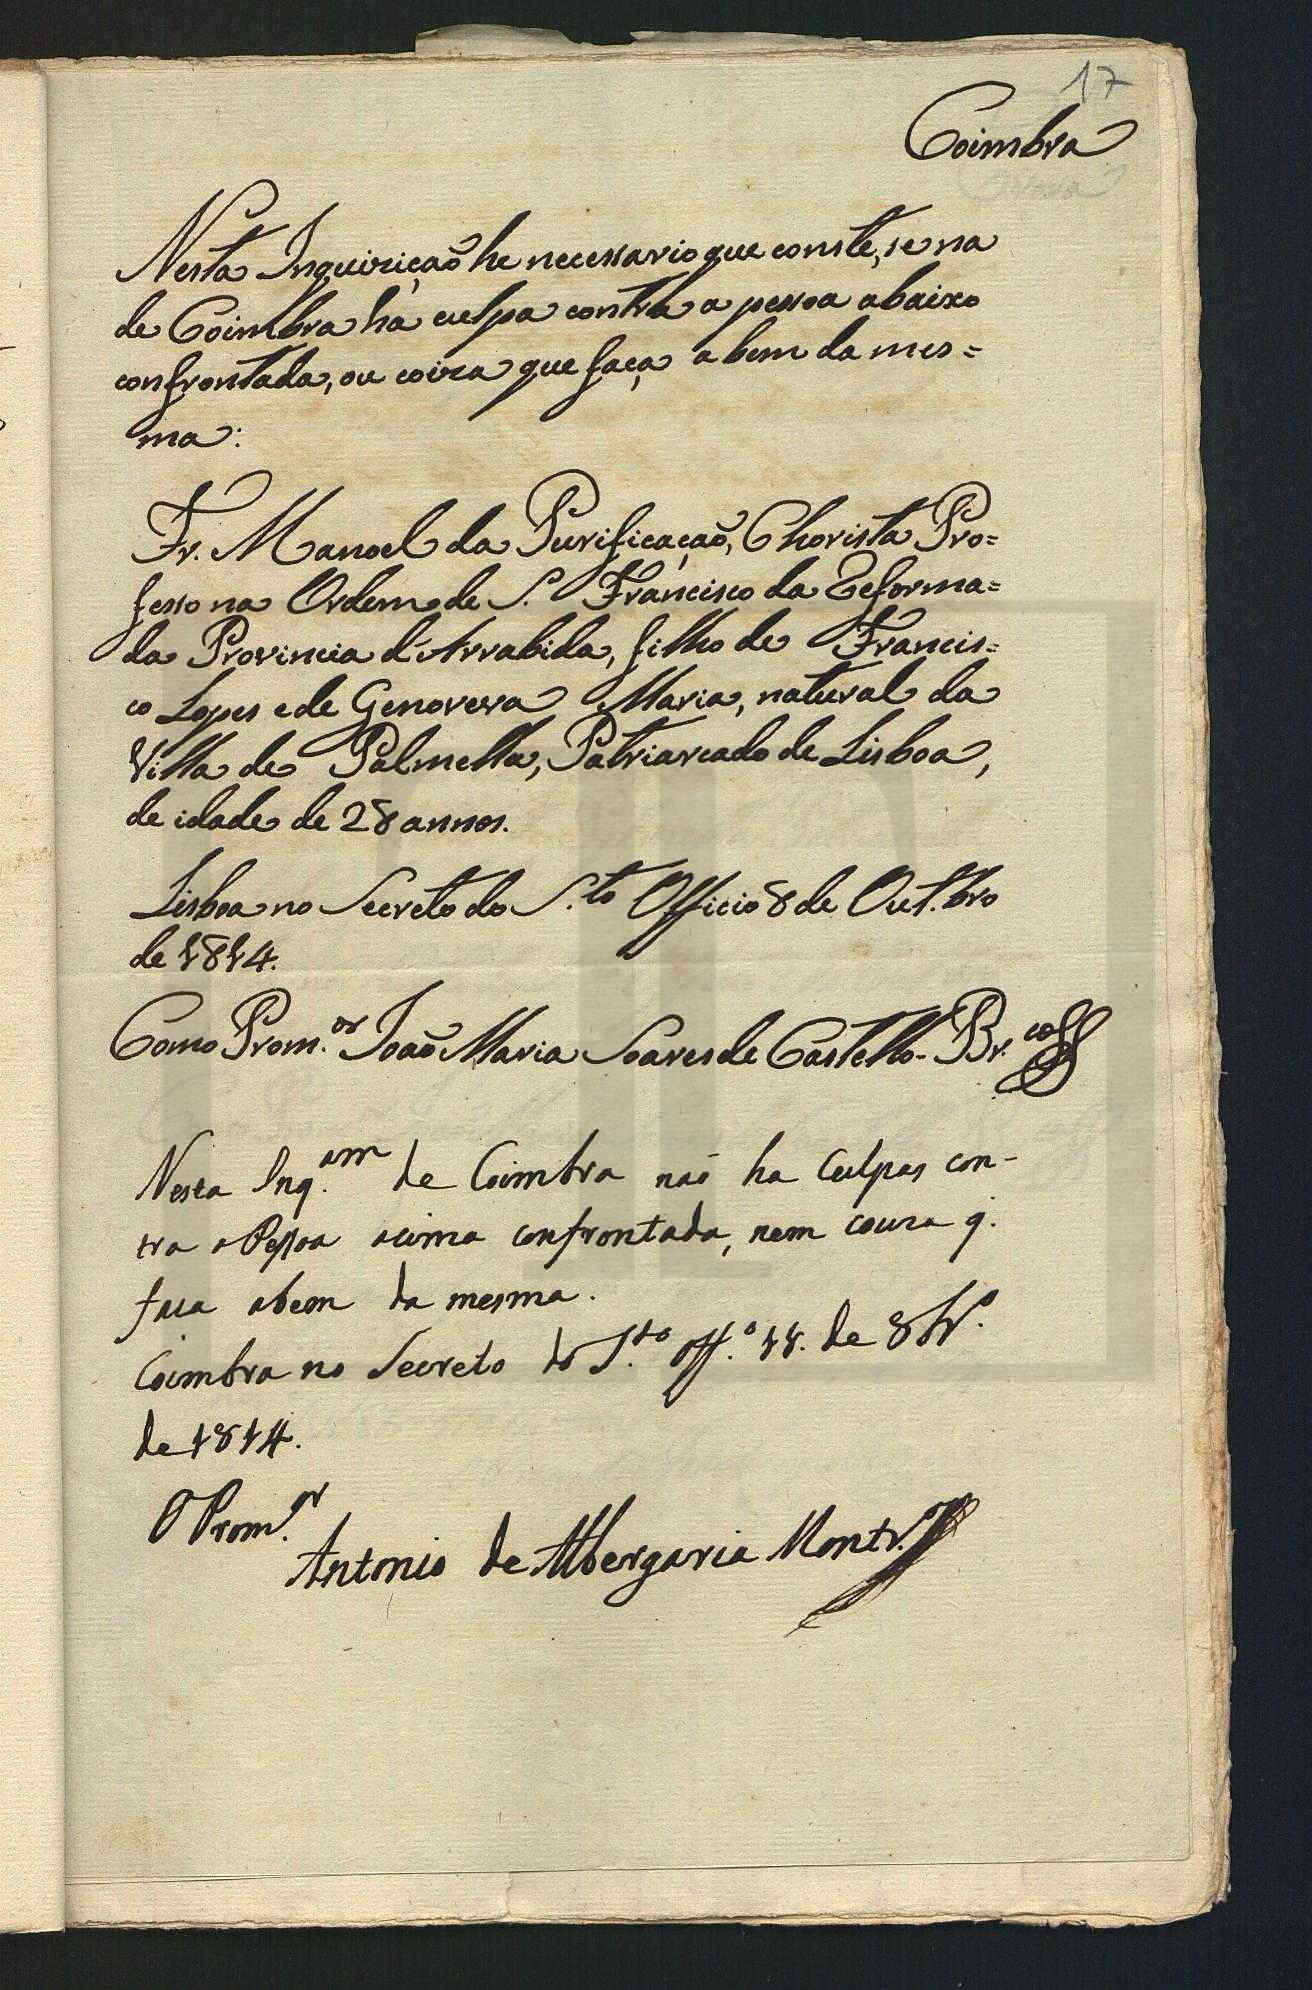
Coimbra
Nesta Inquiziçaõ he necessario que conste, se na
de Coimbra ha culpa contra a pessoa abaixo
confrontada, ou coiza que faça a bem da mes
ma:
Fr. Manoel da Purificaçaõ, Chorista Pro
fesso na Ordem de S. Francisco da Reforma
da Provincia d'Arrabida, filho de Francis
co Lopes e de Genoveva Maria, natural da
Villa de Palmella, Patriarcado de Lisboa,
de idade de 28 annos.
Lisboa no Secreto do S.to Officio 8 de Out.bro
de 1814
Como Prom.or Ioaõ Maria Soares de Castello Br.co
Nesta Inq.am de Coimbra naõ ha culpas con
tra a Pessoa acima confrontada, nem couza q̄
faça a bem da mesma.
Coimbra no Secreto do S.to off.o 18 de otb.o
de 1814.
O Promt.or
Antonio de Albergaria Montr.o
